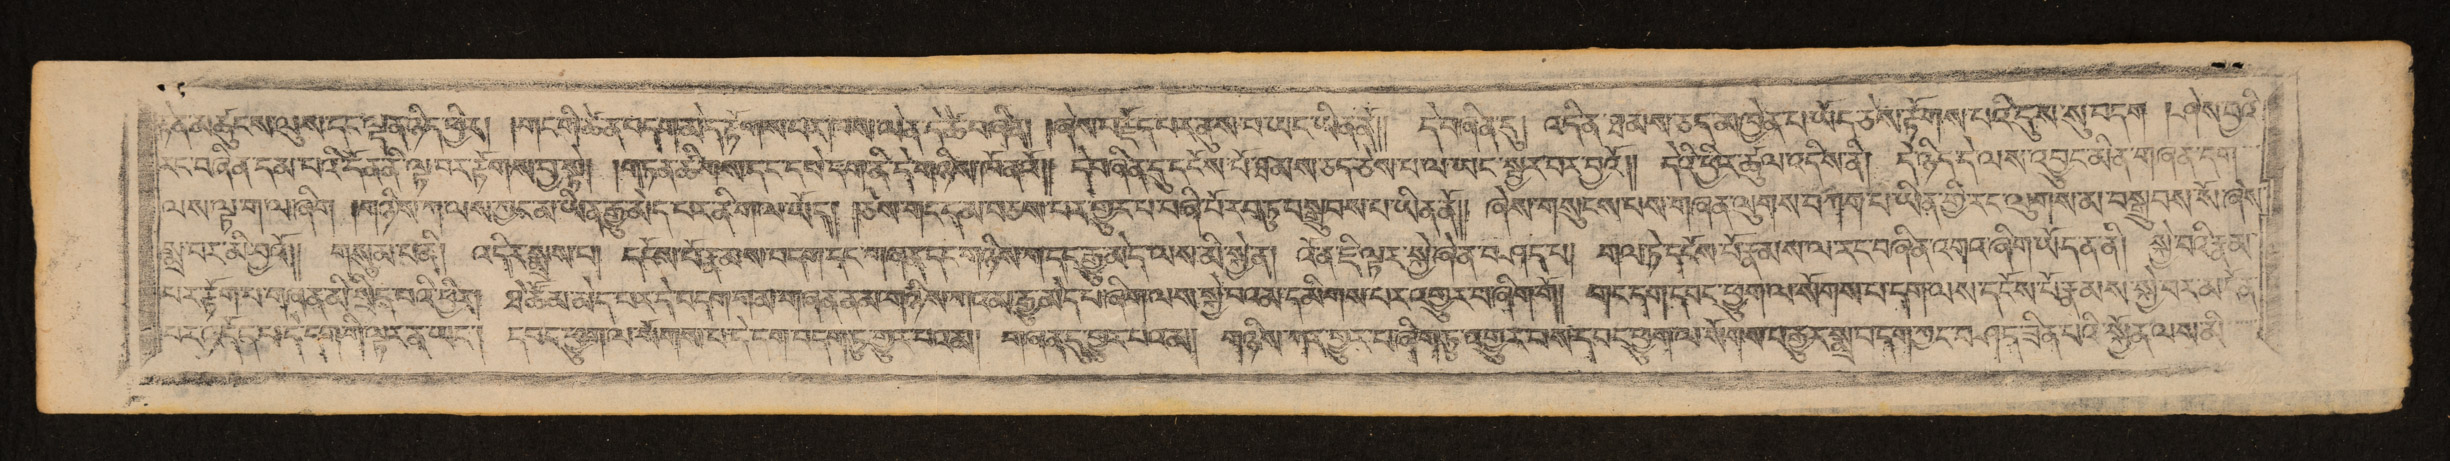རྟེན་མཚུངས་ལུས་དང་ལྡན་ཉིད་ཕྱིར། །གང་གི་ཚེ་ན་བདག་མེད་རྟོགས་པར་ཁས་ལེན་དེ་ཚེ་བཞིན། །ཞེས་བརྗོད་པར་ནུས་པ་ཡང་ཡིན་ནོ།། དེ་བཞིན་དུ། འདི་ན་ཐམས་ཅད་མཁྱེན་པ་ཡོད་ཅེས་རྟོགས་པའི་དུས་སུ་བདག །ཤེས་བྱའི་
རང་བཞིན་དམ་པའི་དོན་ནི་ལྟ་བར་རྟོགས་བྱ་སྟེ། །གཏན་ཚིགས་དང་དཔེ་དག་ནི་དེ་གཉིས་ཁོ་ནའོ།། དེ་བཞིན་དུ་དངོས་པོ་ཐམས་ཅད་ཞེས་པ་ལ་ཡང་སྦྱར་པར་བྱའོ།། དེའི་ཕྱིར་ཚུལ་འདིས་ནི། དེ་ཉིད་དེ་ལས་འབྱུང་མིན་གཞན་དག་
ལས་ལྟ་ག་ལ་ཞིག །གཉིས་ཀ་ལས་ཀྱང་མ་ཡིན་རྒྱུ་མེད་པར་ནི་ག་ལ་ཡོད། །ཅེས་གང་དམ་བཅས་བར་གྱུར་པ་བཞི་པོ་རབ་ཏུ་བསྒྲུབས་པ་ཡིན་ནོ།། ཞེས་གསུངས་པས་གཞན་ལུགས་བཀག་པ་ཡིན་གྱི་རང་ལུགས་མ་བསྒྲུབས་སོ་ཞེས་
སྨྲ་བར་མི་བྱའོ།། གསུམ་པ་ནི། འདིར་སྨྲས་པ། དངོས་པོ་རྣམས་བདག་དང་གཞན་དང་གཉིས་ཀ་དང་རྒྱུ་མེད་ལས་མི་སྐྱེ་ན། འོ་ན་ཇི་ལྟར་སྐྱེ་ཞེ་ན་བཤད་པ། གལ་ཏེ་དངོས་པོ་རྣམས་ལ་རང་བཞིན་འགའ་ཞིག་ཡོད་ན་ནི། སྐྱེ་བའི་རྣམ་
པར་རྟོག་པ་གཞན་མི་སྲིད་པའི་ཕྱིར། ཐེ་ཚོམ་མེད་པར་དེ་བདག་གམ་གཞན་ནམ་གཉིས་ཀའམ་རྒྱུ་མེད་པ་ཞིག་ལས་སྐྱེ་བའམ་དམིགས་པར་འགྱུར་བ་ཞིག་གོ། གང་དག་དབང་ཕྱུག་ལ་སོགས་པ་དག་ལས་དངོས་པོ་རྣམས་སྐྱེ་བར་མངོན་
པར་འདོད་པ་དེ་དག་གི་ལྟར་ན་ཡང་། དབང་ཕྱུག་ལ་སོགས་པ་དེ་དག་བདག་ཏུ་གྱུར་པའམ། གཞན་དུ་གྱུར་པའམ། གཉིས་ཀར་གྱུར་པ་ཞིག་ཏུ་འགྱུར་བས་དབང་ཕྱུག་ལ་སོགས་པ་རྒྱུར་སྨྲ་བ་དག་ཀྱང་བཤད་ཟིན་པའི་སྐྱོན་ལས་མི་